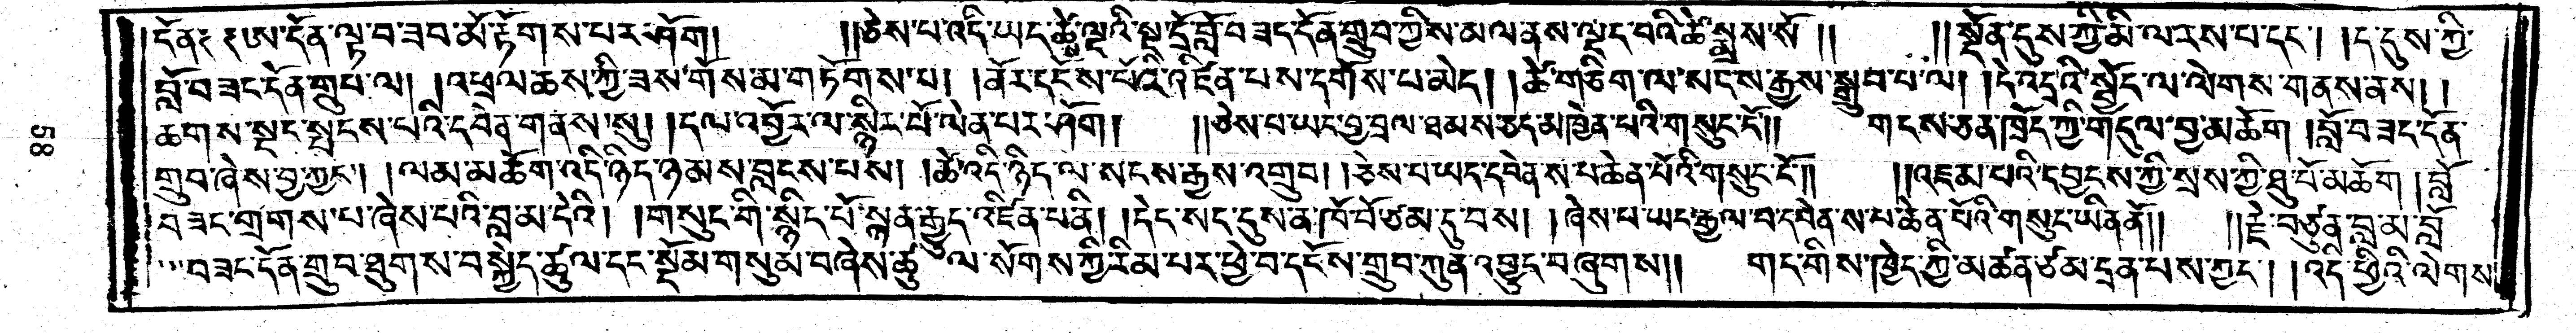དོན༑ ༑ཨ་དོན་ལྟ་བ་ཟབ་མོ་རྟོགས་པར་ཤོག། །།ཅེས་པ་འདི་ཡང་ཚེས་ལྔའི་སྔ་དྲོ་བློ་བཟང་དོན་གྲུབ་ཀྱིས་མལ་ནས་ལྡད་བའི་ཚེ་སྨྲས་སོ།། །།སྔོན་དུས་ཀྱི་མི་ལ་རས་པ་དང་། །ད་དུས་ཀྱི་
བློ་བཟང་དོན་གྲུབ་ལ། །འཕྲལ་ཆས་ཀྱི་ཟས་གོས་མ་གཏོགས་པ། །ནོར་དངོས་པོའི་འཛིན་པས་དགོས་པ་མེད། །ཚེ་གཅིག་ལ་སངས་རྒྱས་སྒྲུབ་པ་ལ། །དེ་འདྲའི་སྦྱོང་ལ་ལེགས་གནས་ནས། །
ཆགས་སྡང་སྤངས་པའི་དབེན་གནས་སུ། །དལ་འབྱོར་ལ་སྙིར་པོ་ལེན་པར་ཤོག། །།ཅེས་པ་ཡང་བྱ་བྲལ་ཐམས་ཅད་མཁྱེན་པའི་གསུང་ངོ།། གངས་ཅན་ཁྲོད་ཀྱི་གདུལ་བྱ་མཆོག །བློ་བཟང་དོན་
གྲུབ་ཞེས་བྱ་ཀྱང་། །ལམ་མཆོག་འདི་ཉིད་ཉམས་བླངས་པས། །ཚེ་འདི་ཉིད་ལ་སངས་རྒྱས་འགྲུབ། །ཅེས་པ་ཡང་དབེན་ས་པ་ཆེན་པོའི་གསུང་ངོ།། །།འཇམ་པའི་དབྱངས་ཀྱི་སྲས་ཀྱི་ཐུ་པོ་མཆོག །བློ་
བཟང་གྲགས་པ་ཞེས་པའི་བླ་མ་དེའི། །གསུང་གི་སྙིང་པོ་སྙན་རྒྱུད་འཛིན་པ་ནི། །དེང་སང་དུས་ན་ཁོ་བོ་ཙམ་དུ་བས། །ཞེས་པ་ཡང་རྒྱལ་བ་དབེན་ས་པ་ཆེན་པོའི་གསུང་ཡིན་ནོ།། །།རྗེ་བཙུན་བླ་མ་བློ་
བཟང་དོན་གྲུབ་ཐུགས་བསྐྱེད་ཚུལ་དང་སྡོམ་གསུམ་བཞེས་ཚུལ་སོགས་ཀྱི་རིམ་པར་ཕྱེ་བ་དངོས་གྲུབ་ཀུན་འབྱུང་བཞུགས།། གང་གིས་ཁྱེད་ཀྱི་མཚན་ཙམ་དྲན་པས་ཀྱང་། །འདི་ཕྱིའི་ལེགས་